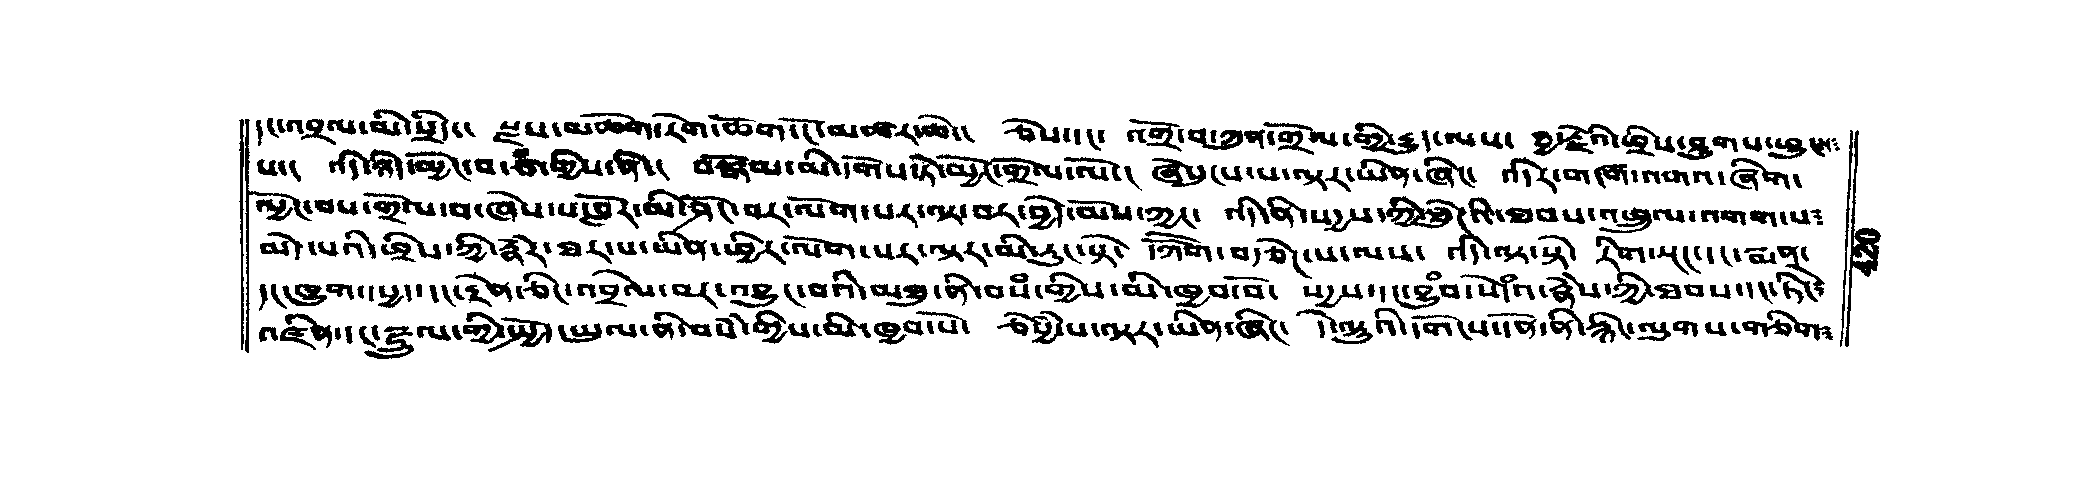དང་འབྲལ་མི་སྲིད། །རྫས་མཆོག་རེག་མཆོག་ངོ་མཚར་ཆེ། ཞེས་དང་། འགྲོ་བ་ཀུན་གྲོལ་གྱི་རྒྱུད་ལས། ཐུགས་རྗེའི་ཕྲིན་ལས་ཤུགས་ཕྱུང་
པ། །འདི་ཉིད་མྱོང་བ་ཙམ་གྱིས་ནི། །བསྒོམ་མི་དགོས་ཏེ་མྱོང་གྲོལ་ལོ། ཞེས་གསུངས་པ་ལྟར་ཡིན་ཞིང་། འདིར་གང་ཟག་འགའ་ཞིག་
མྱོང་བས་གྲོལ་བ་ཞེས་པ་བློར་མི་ཤོང་བར་ལོག་པར་བལྟ་བར་བྱེད་མོད་ཀྱང་། འདི་ནི་སངས་རྒྱས་ཀྱི་ཐུགས་རྗེའི་ཐབས་འཕྲུལ་འགག་པ་
མེད་པའི་ཕྲིན་ལས་ཀྱི་རྣམ་པར་ཐར་པ་ཡིན་ཕྱིར་ལོག་པར་བལྟར་མི་རུང་སྟེ། དཀོན་མཆོག་བརྩེགས་པ་ལས། འདི་ལྟ་སྟེ། རིག་སྔགས་དང་སྨན་
དང་ཁྱུད་དཔྱད་དང་རྟེན་ཅིང་འབྲེལ་བར་འབྱུང་བའི་མཐུ་ནི་བསམ་གྱིས་མི་ཁྱབ་བོ། སངས་རྒྱས་དང་བྱང་ཆུབ་སེམས་དཔའ་རྣམས་ཀྱི་ཐབས་དང་ཏིང་ངེ་
འཛིན་དང་རྫུ་འཕྲུལ་གྱི་སྤྱོད་ཡུལ་ནི་བསམ་གྱིས་མི་ཁྱབ་བོ། ཞེས་གསུངས་པ་ལྟར་ཡིན་ཞིང་། དེ་ལྟ་བུའི་དགོངས་དོན་ནི་རྙིང་ལུགས་གཅིག་